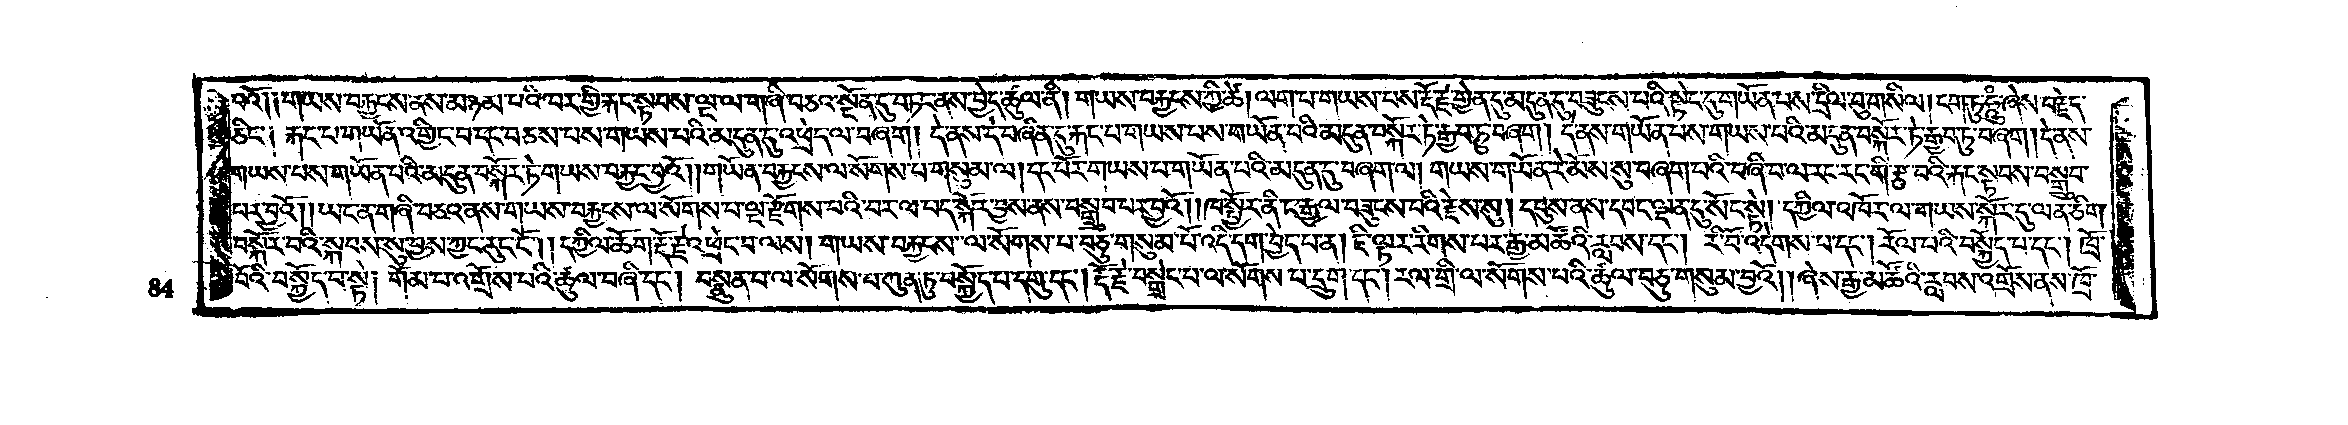བའོ༑ ༑གཡས་བརྐྱངས་ནས་མཉམ་པའི་བར་གྱི་རྐང་སྟབས་ལྔ་ལ་གཞི་བཅའ་སྔོན་དུ་བཏང་ནས་བྱེད་ཚུལ་ནི། གཡས་བརྐྱངས་ཀྱི་ཚེ། ལག་པ་གཡས་པས་རྡོ་རྗེ་གྱེན་དུ་མདུན་དུ་བཟུངས་པའི་སྟེང་དུ་གཡོན་པས་དྲིལ་བུ་གསིལ། ངག་ཏུ་ཧཱུཾ་ཞེས་བརྗོད་
ཅིང༑ རྐང་པ་གཡོན་འགྱིང་བ་དང་བཅས་པས་གཡས་པའི་མདུན་དུ་འཕྲེད་ལ་བཞག །དེ་ནས་དེ་བཞིན་དུ་རྐང་པ་གཡས་པས་གཡོན་པའི་མདུན་བསྐོར་ཏེ་རྒྱབ་ཏུ་བཞག །དེ་ནས་གཡོན་པས་གཡས་པའི་མདུན་བསྐོར་ཏེ་རྒྱབ་ཏུ་བཞག །དེ་ནས་
གཡས་པས་གཡོན་པའི་མདུན་བསྐོར་ཏེ་གཡས་བརྐྱང་བྱའོ། །གཡོན་བརྐྱངས་ལ་སོགས་པ་གསུམ་ལ། དང་པོར་གཡས་པ་གཡོན་པའི་མདུན་དུ་བཞག་ལ། གཡས་གཡོན་རེ་མོས་སུ་བཞག་པའི་བཞི་པ་ལ་རང་རང་གི་རྩ་བའི་རྐང་སྟབས་བསྒྲུབ་
པར་བྱའོ། །ཡང་ན་གཞི་བཅའ་ནས་གཡས་བརྐྱངས་ལ་སོགས་པ་ལྔ་རྫོགས་པའི་བར་ལ་པད་སྐོར་བྱས་ནས་བསྒྲུབ་པར་བྱའོ། །ཁ་སྦྱོར་ནི་ང་རྒྱལ་བཟུངས་པའི་རྗེས་སུ། དབུས་ནས་དབང་ལྡན་དུ་སོང་སྟེ། དཀྱིལ་འཁོར་ལ་གཡས་སྐོར་དུ་ལན་ཅིག་
བསྐོར་བའི་སྐབས་སུ་བྱས་ཀྱང་རུང་ངོ། །དཀྱིལ་ཆོག་རྡོ་རྗེ་འཕྲེང་བ་ལས། གཡས་བརྐྱངས་ལ་སོགས་པ་བཅུ་གསུམ་པོ་འདི་དག་བྱེད་པ་ན། ཇི་ལྟར་རིགས་པར་རྒྱ་མཚོའི་རླབས་དང་། རི་བོ་འདེགས་པ་དང་། རོལ་པའི་བསྐྱོད་པ་དང་། ཁྲོ་
བོའི་བསྐྱོད་པ་སྟེ། གོམ་པ་འགྲོས་པའི་ཚུལ་བཞི་དང་། བསྣུན་པ་ལ་སོགས་པ་ཀུན་ཏུ་བསྐྱོད་པ་དགུ་དང་། རྡོ་རྗེ་བསྒྲེང་པ་ལ་སོགས་པ་དྲུག་དང་། རལ་གྲི་ལ་སོགས་པའི་ཚུལ་བཅུ་གསུམ་བྱའོ། །ཞེས་རྒྱ་མཚོའི་རླབས་འགྲོས་ནས་ཁྲོ་